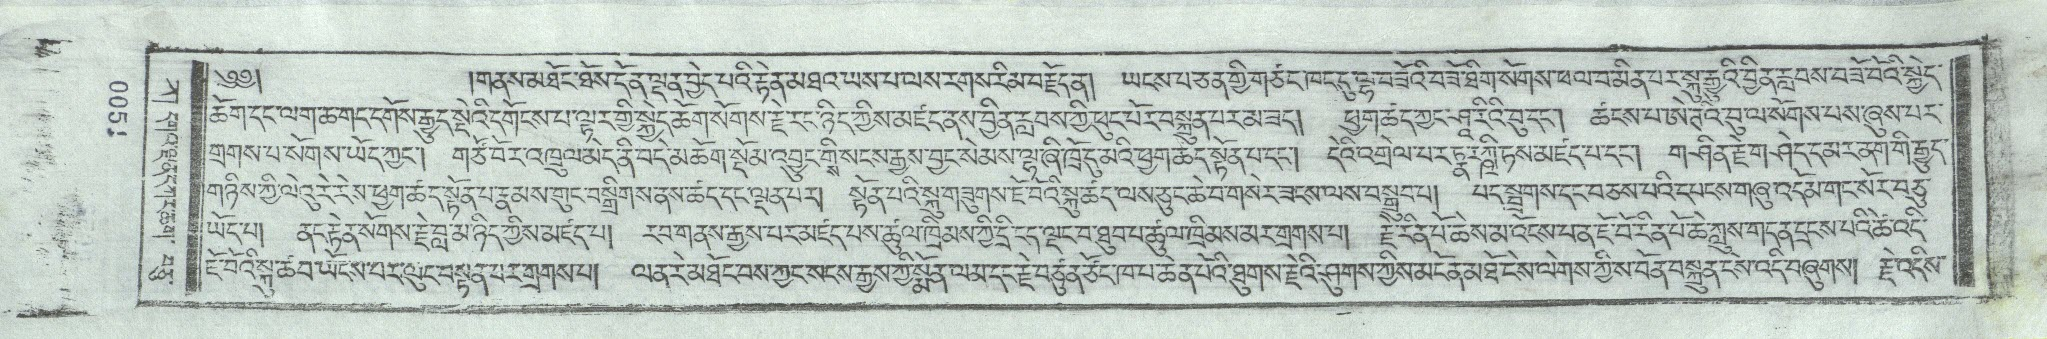༄༅། །གནས་མཐོང་ཐོས་དོན་ལྡན་བྱེད་པའི་རྟེན་མཐའ་ཡས་པ་ལས་རགས་རིམ་བརྗོད་ན། ཡངས་པ་ཅན་གྱི་གཙང་ཁང་དུ་ལྷ་བཟོའི་བཟོ་ཐིག་སོགས་ཕལ་བ་མིན་བར་སྐུ་རྒྱུའི་བྱིན་རླབས་བཟོ་བོའི་སྐྱེད་
ཆོག་དང་ལག་ཆ་གང་དགོས་རྒྱུད་སྡེའི་དགོངས་པ་ལྟར་གྱི་སྐྱེད་ཆོག་སོགས་རྗེ་རང་ཉིད་ཀྱིས་མཛད་ནས་བྱིན་རླབས་ཀྱི་ཕུང་པོར་བསྐྲུན་བར་མ་ཟད། ཕྱག་ཚད་ཀྱང་ཤཱ་རིའི་བུ་དང་། ཚངས་པ་ཨེ་ཊའི་བུ་ལ་སོགས་པས་ཞུས་པར་
གྲགས་པ་སོགས་ཡོད་ཀྱང་། གཙོ་བོར་འཁྲུལ་མེད་ནི་བདེ་མཆོག་སྔོམ་འབྱུང་གིས་སངས་རྒྱས་བྱང་སེམས་ལྷ་ཞི་ཁྲོ་དུ་མའི་ཕྱག་ཚད་སྟོན་པ་དང་། དེའི་འགྲེལ་པར་ཏྣརཀྵི་ཏས་མཛད་པ་དང་། གཤིན་རྗེ་གཤེད་དམར་ནག་གི་
གཉིས་ཀྱི་ལེའུ་རེ་རེས་ཕྱག་ཚད་སྟོན་པ་རྣམས་གུང་བསྒྲིགས་ནས་ཚད་དང་ལྡན་པར། སྟོན་པའི་སྐུ་གཟུངས་ཇོ་བོའི་སྐུ་ཚང་ལས་ཅུང་ཆེ་བ་གསེར་ཟངས་ལས་བསྒྲུབ་པ། པད་སྦྲགས་དང་བཅས་པའི་དཔངས་གཞུ་འདོམ་གང་སོང་བ?
ཡོད་པ། ནང་རྟེན་སོགས་རྗེ་བླ་མ་ཉིད་ཀྱིས་མཛད་པ། རབ་གནས་རྒྱས་པར་མཛད་པས་ཚུལ་ཁྲིམས་ཀྱི་དྲི་ངད་ལྡང་བ་ཐུབ་པ་ཚུལ་ཁྲིམས་མར་གྲགས་པ། རྗེ་རིན་པོ་ཆེས་མ་འོངས་པན་ཇོ་བོ་རིན་པོ་ཆེ་ཀླུས་གདན་དྲངས་པའི་ཚེ་འདི་
ཇོ་བོའི་སྐུ་ཚབ་ཡོངས་པར་ལུང་བསྟན་པར་གྲགས་པ། ལན་རེ་མཐོང་བས་ཀྱང་སངས་རྒྱས་ཀྱི་སྨོན་ལམ་དང་རྗེ་བཙུན་ཙོང་ཁ་པ་ཆེན་པོའི་ཐུགས་རྗེའི་ཤུགས་ཀྱིས་མངོན་མཐོ་ངེས་ལེགས་ཀྱིས་བོན་བསྐྲུན་ངེས་འདི་བཞུགས། རྗེ་འདིས་